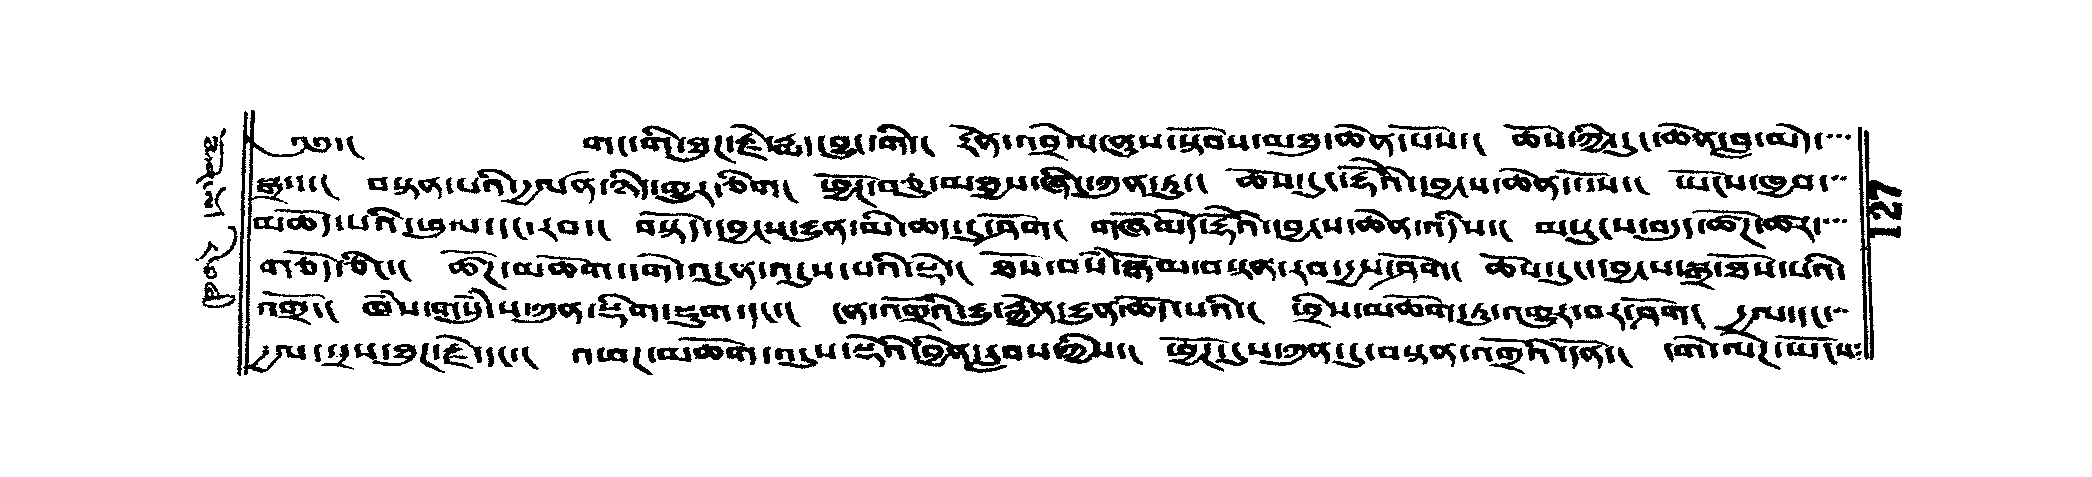།གང་གི་ཐུགས་རྗེ་རྨད་བྱུང་གི །རྟེན་འབྲེལ་ནུས་སྟོབས་མཐུ་ཆེན་པོས། །ཆོས་ཀྱི་དུང་ཆེན་བླ་མེད་
སྒྲས། །བསྟན་པའི་རྒྱལ་མཚན་ཉིད་གྱུར་ཅིག །ཕྱོགས་བཅུ་མཐའ་ཡས་ཞིང་ཀུན་ཏུ། །ཆོས་དུང་རྡོ་རྗེའི་དབྱངས་ཆེན་པོས། །ཡོངས་ཁྱབ་
མཆོད་པའི་ཕུལ་དང་རབ། །བསྟོད་དབྱངས་རྒྱུན་མི་ཆད་དུ་ཤོག །གཞོམ་མེད་རྡོ་རྗེའི་དབྱངས་ཆེན་འདིས། །མ་རུངས་བདུད་ཚོགས་ཚར་
གཅོད་ཅིང་། །ཚོགས་མཆོག་དགེ་འདུན་འདུས་པའི་སྡེ། །ཐོས་བསམ་སྒོམ་བསྟན་རབ་རྒྱས་ཤོག །ཆོས་དུང་དབྱངས་སྒྲ་ཐོས་པའི་
འགྲོ། །ཁམས་གསུམ་ས་ཀུན་སྡིག་སྡུག་དང་། །ངན་འགྲོའི་རྒྱུ་རྐྱེན་རྒྱུན་ཆོད་པའི། །ཕྲིན་ལས་མཆོག་ཏུ་འགྱུར་བར་ཤོག །རྒྱལ་དང་
རྒྱས་སྲས་ཐུགས་རྗེ་དང་། །འཕགས་མཆོག་འདུས་སྡེའི་བྱིན་རླབས་ཀྱིས། །ཕྱོགས་དུས་ཀུན་ཏུ་བསྟན་འགྲོའི་དོན། །དགེ་ལེགས་ཡོངས་